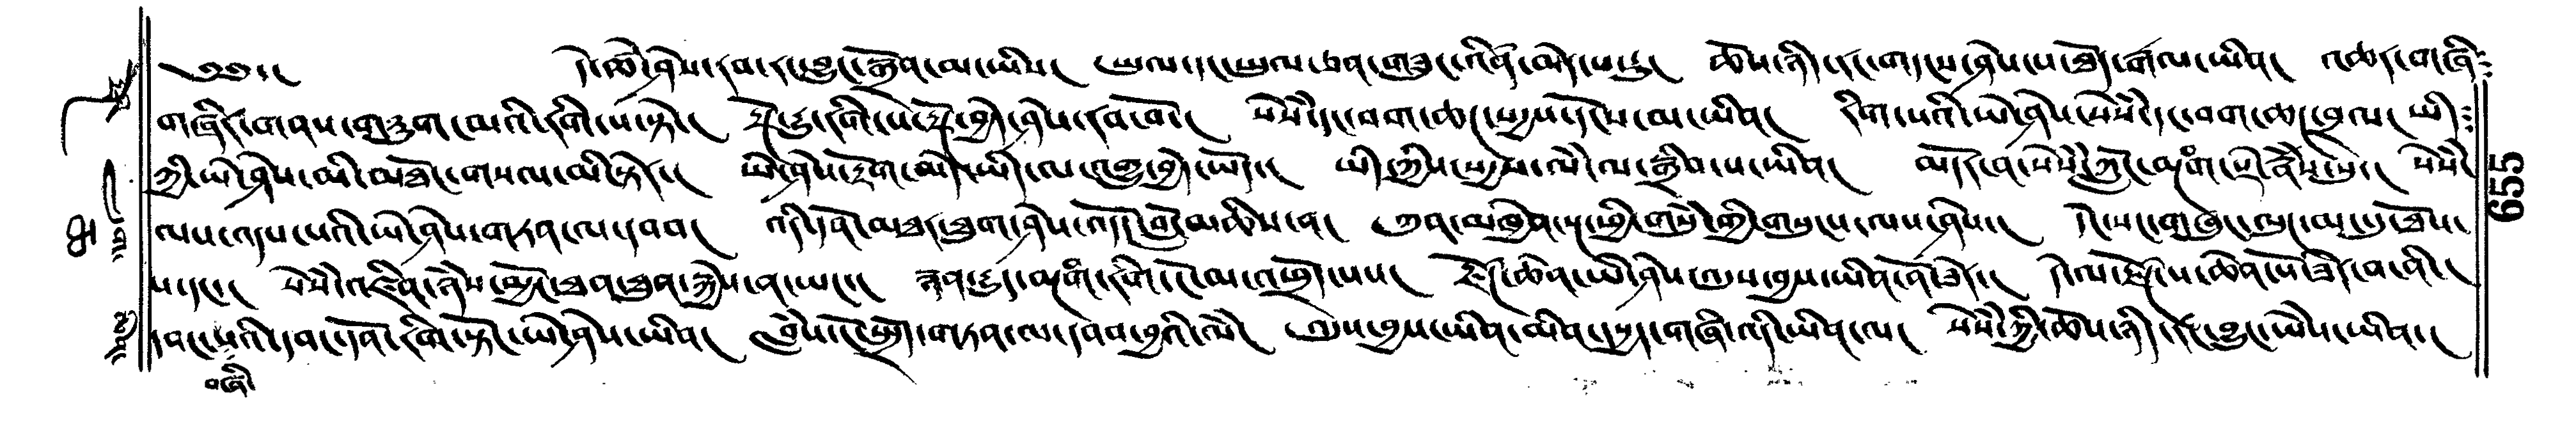།དེ་ཚེ་ཤེས་རབ་རང་བྱུང་སྒྲོན་མ་ཡིས། །ཡུལ་དང་ཡུལ་ཆན་གཟུང་འཛིན་མེད་པ་རུ། །ཆོས་ཉིད་རང་གདངས་ཤེས་པ་ཐོད་རྒལ་ཡིན། །འཆར་གཞི་
གཞིར་གནས་གཉུག་མའི་རིག་པ་སྟེ། །རྟོགས་རྒྱུ་རིག་པ་རྟོགས་བྱེད་ཤེས་རབ་བོ། །སེམས་དང་བག་ཆགས་སངས་རྒྱས་དངོས་མ་ཡིན། །རིག་པའི་ཡེ་ཤེས་སེམས་དང་བག་ཆགས་བྲལ། ཡིད་
ཀྱི་ཡེ་ཤེས་མི་མཐོང་གསལ་མི་སྟེར། །ཡེ་ཤེས་རྟོག་མེད་ཡིད་ལ་འགྱུ་བྱེད་ཡོད། །ཡིད་ཀྱིས་སངས་རྒྱས་ལམ་ལ་སྒྲིབ་པ་ཡིན། །མདོར་ན་སེམས་ཀློང་མན་ངག་སྡེ་རྣམས་སུ། །སེམས་
ལས་འདས་པའི་ཡེ་ཤེས་གཏན་ལ་དབབ། །འདི་དོན་མཐར་ཐུག་ཤེས་འདོད་བློ་མཆིས་ན། །ཀུན་མཁྱེན་སྔ་ཕྱི་གསུམ་གྱི་གསུང་ལས་ཤེས། །དེང་སང་གཞུང་ལུགས་མང་དུ་ཐོས་
པ་དང་། །སེམས་འཛིན་ཉམས་མྱོང་ཐན་ཐུན་སྐྱེས་ན་ཡང་། །སྙན་རྒྱུད་མན་ངག་རིག་ངོ་མ་འཕྲོད་པས། །རྫོགས་ཆེན་ཡེ་ཤེས་འདུས་བྱས་ཡིན་ནོ་ཟེར། །དེ་ལ་རྫོགས་པ་ཆེན་པོ་ཟེར་བ་ནི། །
(དབང་ ? )བཞི་པའི་དབང་དོན་རིག་སྟོང་ཡེ་ཤེས་ཡིན། །བླ་མས་ངོ་སྤྲོད་གཏན་ལ་དབབ་བྱའི་ལམ། །འདུས་བྱས་ཡིན་མིན་དཔྱད་གཞི་འདི་ཡིན་ལ། །སེམས་ཀྱི་ཆོས་ཉིད་རང་འབྱུང་ཡེ་ཤེས་ཡིན།